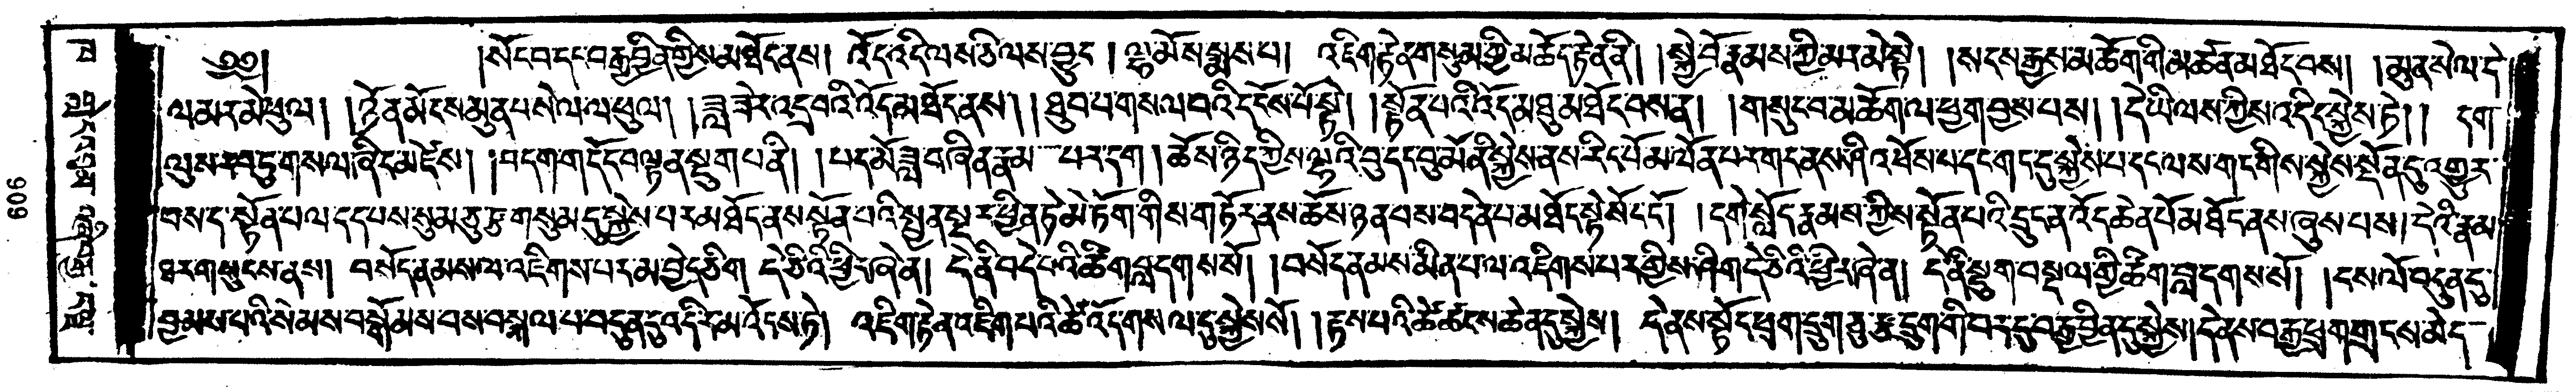༄༅། །སོང་བ་དང་བརྒྱ་བྱིན་གྱིས་མཐོང་ནས། འོད་འདི་ལས་ཅི་ལས་བྱུང་། ལྷ་མོས་སྨས་པ། འཇིག་རྟེན་གསུམ་གྱི་མཆོད་རྟེན་ནི། །སྐྱེ་བོ་རྣམས་ཀྱི་མར་མེ་སྟེ། །སངས་རྒྱས་མཆོག་གི་མཚན་མཐོང་བས། །མུན་སེལ་དེ་
ལ་མར་མེ་ཕུལ། །ཉོན་མོངས་མུན་པ་སེལ་ལ་ཕུལ། །ཟླ་ཟེར་འདྲ་བའི་འོད་མཐོང་ནས། །ཐུབ་པ་གསལ་བའི་དངོས་པོ་སྟེ། །སྟོན་པའི་འོད་མཐུ་མཐོང་བས་ན། །གསུང་བ་མཆོག་ལ་ཕྱག་བྱས་པས། །དེ་ཡི་ལས་ཀྱིས་འདིར་སྐྱེས་ཏེ།། དག་
ལུས་རབ་ཏུ་གསལ་ཞིང་མཛེས། །བདག་གདོང་བལྟན་སྡུག་པ་ནི། །པད་མོ་ཟླ་བཞིན་རྣམ་པར་དག །ཆོས་ཉིད་ཀྱིས་ལྷའི་བུ་དང་བུ་མོ་ནི་སྐྱེས་ནས་རིང་པོ་མ་ལོན་པར་གང་ནས་ཤི་འཕོས་པ་དང་གང་དུ་སྐྱེས་པ་དང་ལས་གང་གིས་སྐྱེས་སྔོན་དུ་འགྱུར་
བས་ད་སྟོན་པ་ལ་དད་པས་སུམ་ཅུ་རྩ་གསུམ་དུ་སྐྱེས་པར་མཐོང་ནས་སྟོན་པའི་སྤྱན་སྔར་ཕྱིན་ཏེ་མེ་ཏོག་གིས་གཏོར་ནས་ཆོས་ཉན་པས་བདེན་པ་མཐོང་སྟེ་སོང་ངོ། །དགེ་སློང་རྣམས་ཀྱིས་སྟོན་པའི་དྲུང་ན་འོད་ཆེན་པོ་མཐོང་ནས་ཞུས་པས། དེའི་རྣམ་
ཐར་གསུངས་ནས། བསོད་ནམས་ལ་འཇིགས་པར་མ་བྱེད་ཅིག་དེ་ཅིའི་ཕྱིར་ཞེ་ན། དེ་ནི་བདེ་བའི་ཚིག་བླ་དགས་སོ། །བསོད་ནམས་མིན་པ་ལ་འཇིགས་པར་གྱིས་ཤིག་དེ་ཅིའི་ཕྱིར་ཞེ་ན། དེ་ནི་སྡུག་བསྔལ་གྱི་ཚིག་བླ་དགས་སོ། །ངས་ལོ་བདུན་དུ་
བྱམས་པའི་སེམས་བསྒོམས་པས་བསྐལ་པ་བདུན་དུ་འདིར་མ་འོངས་ཏེ། འཇིག་རྟེན་འཇིག་པའི་ཚེ་འོད་གསལ་དུ་སྐྱེས་སོ། །རྟས་པའི་ཚེ་ཚངས་ཆེན་དུ་སྐྱེས། དེ་ནས་སྟོང་ཕྲག་དྲུག་ཅུ་རྩ་དྲུག་གི་བར་དུ་བརྒྱ་བྱིན་དུ་སྐྱེས། དེ་ནས་བརྒྱ་ཕྲག་གྲངས་མེད་